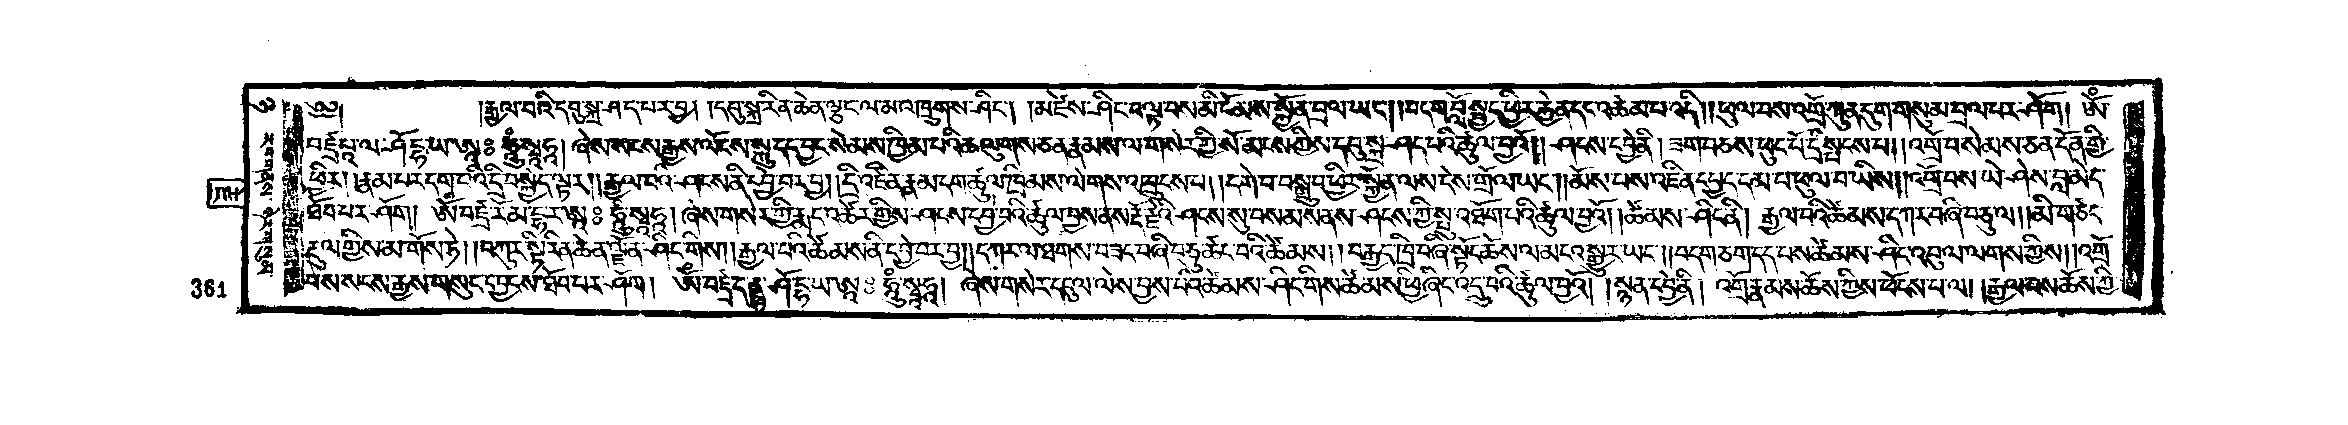༄༅། །རྒྱལ་བའི་དབུ་སྐྲ་ཤད་པར་བྱ། །དབུ་སྐྲ་རིན་ཆེན་ལྕང་ལོ་མ་འཁྲུགས་ཤིང་། །མཛེས་ཤིང་བལྟ་བས་མི་ངོམས་སྐྱོན་བྲལ་ཡང་། །བདག་བློ་སྦྱང་ཕྱིར་རྐྱེན་དང་འཚམ་པ་འདི། །ཕུལ་བས་འགྲོ་ཀུན་དུག་གསུམ་བྲལ་པར་ཤོག །ཨོཾ་
བཛྲ་པཱ་ལ་ཤོ་དྷ་ཡ་ཨཱཿ ཧཱུཾ་སྭཱ་ཧཱ། ཞེས་སངས་རྒྱས་ལོངས་སྐུ་དང་བྱང་སེམས་ཁྱིམ་པའི་ཆ་ལུགས་ཅན་རྣམས་ལ་གསེར་གྱི་སོ་མངས་ཀྱིས་དབུ་སྐྲ་ཤད་པའི་ཚུལ་བྱའོ། །ཤངས་དབྱེ་ནི། ཟག་བཅས་ཕུང་པོ་དྲི་སྤངས་པ། །འགྲོ་བ་སེམས་ཅན་དོན་གྱི་
ཕྱིར། །རྣམ་པར་དག་པའི་དྲི་བསྐྱེད་ལྟར། །རྒྱལ་བའི་ཤངས་ནི་དབྱེ་བར་བྱ། །དྲི་འཛིན་རྣམ་དག་ཚུལ་ཁྲིམས་ལེགས་འཁྲུངས་པ། །དགེ་བ་བསྒྲུབ་ཕྱིར་སྐྱོན་ལས་ངེས་གྲོལ་ཡང་། །མོས་པས་འཛིན་དཔྱད་དམ་པ་ཕུལ་བ་ཡིས། །འགྲོ་བས་ཡེ་ཤེས་བླ་མེད་
ཐོབ་པར་ཤོག །ཨོཾ་བཛྲ་རོ་མ་དྷ་ར་ཨཱཿ ཧཱུཾ་སྭཱ་ཧཱ། ཞེས་གསེར་གྱི་རྨང་འཚེར་གྱིས་ཤངས་དབྱེ་བའི་ཚུལ་བྱས་ནས་རྡོ་རྗེའི་ཤངས་སུ་བསམས་ནས་ཤངས་ཀྱི་སྤུ་འཐོག་པའི་ཚུལ་བྱའོ། །ཚེམས་ཤིང་ནི། རྒྱལ་བའི་ཚེམས་དཀར་བཞི་བཅུ་ལ། །མི་གཙང་
རྡུལ་གྱིས་མ་གོས་ཏེ། །བཀུར་སྟི་རིན་ཆེན་ལྗོན་ཤིང་གིས། །རྒྱལ་པའི་ཚེམས་ནི་དབྱེ་བར་བྱ། །དཀར་ལ་ཐགས་བཟང་བཞི་བཅུ་ཚང་བའི་ཚེམས། །བརྒྱད་ཁྲི་བཞི་སྟོང་ཆོས་ལ་མངའ་སྒྱུར་ཡང་། །བདག་ཅག་དད་པས་ཚེམས་ཤིང་འབུལ་ལགས་ཀྱིས། །འགྲོ་
བས་སངས་རྒྱས་གསུང་དབྱངས་ཐོབ་པར་ཤོག །ཨོཾ་བཛྲ་ད་ནྡྷ་ཤོ་དྷ་ཡ་ཨཱཿ ཧཱུཾ་སྭཱ་ཧཱ། ཞེས་གསེར་དངུལ་ལས་བྱས་པའི་ཚེམས་ཤིང་གིས་ཚེམས་ཕྱི་ཞིང་འདྲུ་བའི་ཚུལ་བྱའོ། །སྙན་དབྱེ་ནི། འགྲོ་རྣམས་ཆོས་ཀྱིས་ཕོངས་པ་ལ། །རྒྱལ་བས་ཆོས་ཀྱི་